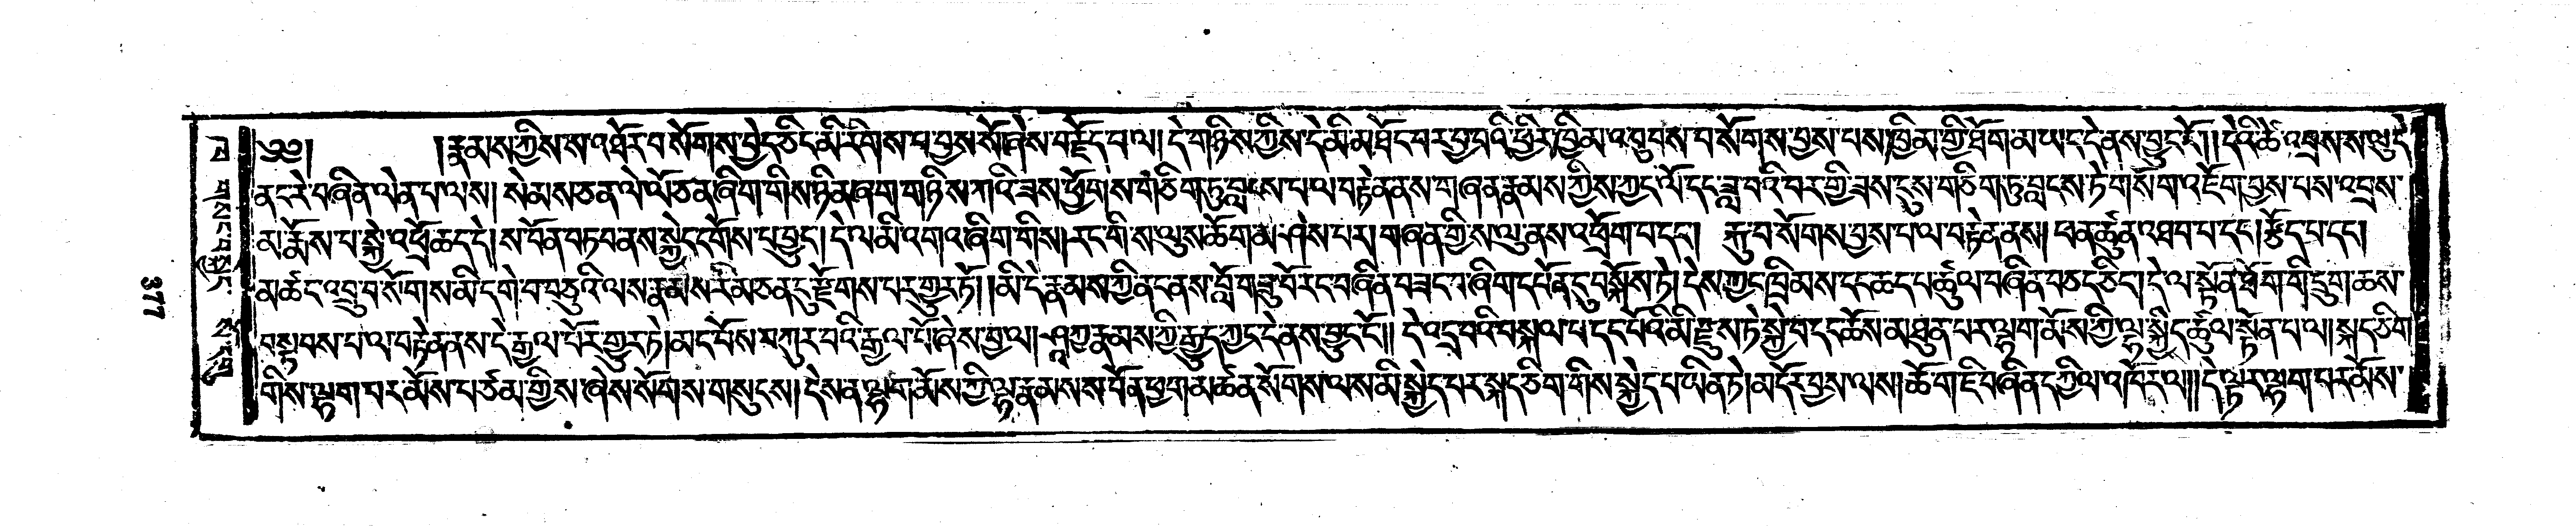༄༅། །རྣམས་ཀྱིས་ས་འཐོར་བ་སོགས་བྱེད་ཅིང་མི་རིགས་པ་བྱས་སོ་ཞེས་བརྗོད་པ་ལ། དེ་གཉིས་ཀྱིས་དེ་མི་མཐོང་བར་བྱ་བའི་ཕྱིར་ཁྱིམ་འབུབས་པ་སོགས་བྱས་པས་ཁྱིམ་གྱི་ཐོག་མ་ཡང་དེ་ནས་བྱུང་ངོ། །དེའི་ཚེ་འབྲས་ས་ལུ་དེ་
ནང་རེ་བཞིན་ལེན་པ་ལས། སེམས་ཅན་ལེ་ལོ་ཅན་ཞིག་གིས་ཉིན་ཞག་གཉིས་ཀའི་ཟས་ཕྱོགས་གཅིག་ཏུ་བླངས་པ་ལ་བརྟེན་ནས་གཞན་རྣམས་ཀྱིས་ཀྱང་ལོ་དང་ཟླ་བའི་བར་གྱི་ཟས་དུས་གཅིག་ཏུ་བླངས་ཏེ་གསོག་འཇོག་བྱས་པས་འབྲས་
མ་རྨོས་པ་སྐྱེ་འཕྲོ་ཆད་དེ། ས་བོན་བཏབ་ནས་སྐྱེད་དགོས་པ་བྱུང་། དེ་ལ་མི་འགའ་ཞིག་གིས། རང་གི་ས་ལུས་ཆོག་མ་ཤེས་པར། གཞན་གྱིས་ལུ་ནས་འཕྲོག་པ་དང་། རྐུ་བ་སོགས་བྱས་པ་ལ་བརྟེན་ནས། ཕན་ཚུན་འཐབ་པ་དང་། རྩོད་པ་དང་།
མཚང་འབྲུ་བ་སོགས་མི་དགེ་བ་བཅུའི་ལས་རྣམས་རིམ་ཅན་དུ་རྫོགས་པར་གྱུར་ཏོ། །མི་དེ་རྣམས་ཀྱི་ནང་ནས་བློ་གཟུ་བོ་རང་བཞིན་བཟང་བ་ཞིག་དཔོན་དུ་བསྐོས་ཏེ། དེས་ཀྱང་ཁྲིམས་དང་ཆད་པ་ཚུལ་བཞིན་བཅད་ཅིང་། དེ་ལ་སྟོན་ཐོག་གི་དྲུག་ཆས་
བསྟབས་པ་ལ་བརྟེན་ནས་དེ་རྒྱལ་པོར་གྱུར་ཏེ། མང་པོས་བཀུར་པའི་རྒྱལ་པོ་ཞེས་བྱ་ལ། ཤཱཀྱ་རྣམས་ཀྱི་རྒྱུད་ཀྱང་དེ་ནས་བྱུང་ངོ། །དེ་འདྲ་བའི་བསྐལ་པ་དང་པོའི་མི་རྫུས་ཏེ་སྐྱེ་བ་དང་ཆོས་མཐུན་པར་ལྷག་མོས་ཀྱི་ལྷ་སྐྱེད་ཚུལ་སྟོན་པ་ལ། སྐད་ཅིག་
གིས་ལྷག་པར་མོས་པ་ཙམ་གྱིས་ཞེས་སོགས་གསུངས། དེས་ན་ལྷག་མོས་ཀྱི་ལྷ་རྣམས་ས་བོན་ཕྱག་མཚན་སོགས་ལས་མི་སྐྱེད་པར་སྐད་ཅིག་གིས་སྐྱེད་པ་ཡིན་ཏེ། མདོར་བྱས་ལས། ཆོ་ག་ཇི་བཞིན་དཀྱིལ་འཁོར་ལ། །དེ་ལྟར་ལྷག་པར་མོས་